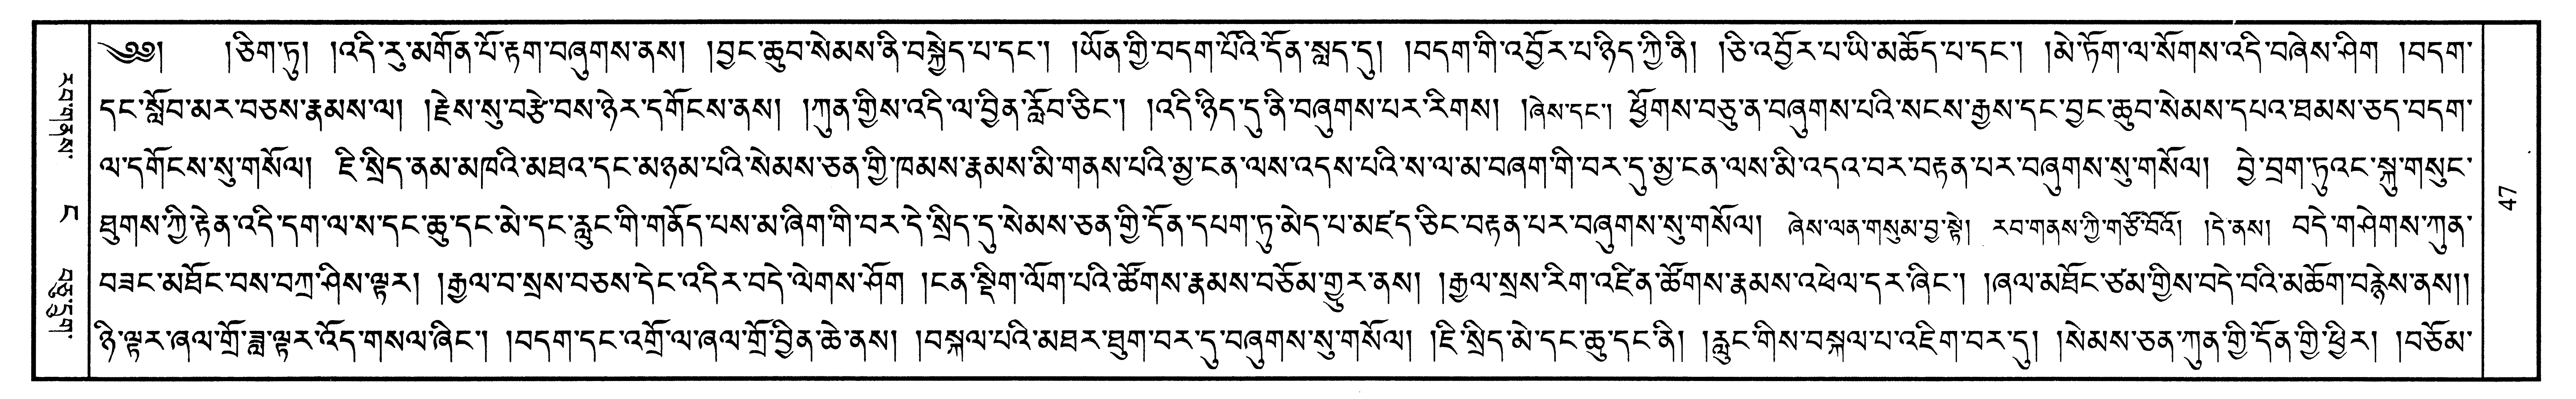༄༅། །ཅིག་ཏུ། །འདི་རུ་མགོན་པོ་རྟག་བཞུགས་ནས། །བྱང་ཆུབ་སེམས་ནི་བསྐྱེད་པ་དང་། །ཡོན་གྱི་བདག་པོའི་དོན་སླད་དུ། །བདག་གི་འབྱོར་པ་ཉིད་ཀྱི་ནི། །ཅི་འབྱོར་པ་ཡི་མཆོད་པ་དང་། །མེ་ཏོག་ལ་སོགས་འདི་བཞེས་ཤིག །བདག་
དང་སློབ་མར་བཅས་རྣམས་ལ། །རྗེས་སུ་བརྩེ་བས་ཉེར་དགོངས་ནས། །ཀུན་གྱིས་འདི་ལ་བྱིན་རློབ་ཅིང་། །འདི་ཉིད་དུ་ནི་བཞུགས་པར་རིགས། །ཞེས་དང་། ཕྱོགས་བཅུ་ན་བཞུགས་པའི་སངས་རྒྱས་དང་བྱང་ཆུབ་སེམས་དཔའ་ཐམས་ཅད་བདག་
ལ་དགོངས་སུ་གསོལ། ཇི་སྲིད་ནམ་མཁའི་མཐའ་དང་མཉམ་པའི་སེམས་ཅན་གྱི་ཁམས་རྣམས་མི་གནས་པའི་མྱ་ངན་ལས་འདས་པའི་ས་ལ་མ་བཞག་གི་བར་དུ་མྱ་ངན་ལས་མི་འདའ་བར་བརྟན་པར་བཞུགས་སུ་གསོལ། བྱེ་བྲག་ཏུའང་སྐུ་གསུང་
ཐུགས་ཀྱི་རྟེན་འདི་དག་ལ་ས་དང་ཆུ་དང་མེ་དང་རླུང་གི་གནོད་པས་མ་ཞིག་གི་བར་དེ་སྲིད་དུ་སེམས་ཅན་གྱི་དོན་དཔག་ཏུ་མེད་པ་མཛད་ཅིང་བརྟན་པར་བཞུགས་སུ་གསོལ། ཞེས་ལན་གསུམ་བྱ་སྟེ། རབ་གནས་ཀྱི་གཙོ་བོའོ། །དེ་ནས། བདེ་གཤེགས་ཀུན་
བཟང་མཐོང་བས་བཀྲ་ཤིས་ལྟར། །རྒྱལ་བ་སྲས་བཅས་དེང་འདིར་བདེ་ལེགས་ཤོག །ངན་སྡིག་ལོག་པའི་ཚོགས་རྣམས་བཅོམ་གྱུར་ནས། །རྒྱལ་སྲས་རིག་འཛིན་ཚོགས་རྣམས་འཕེལ་དར་ཞིང་། །ཞལ་མཐོང་ཙམ་གྱིས་བདེ་བའི་མཆོག་བརྙེས་ནས།།
ཉི་ལྟར་ཞལ་གྲོ་ཟླ་ལྟར་འོད་གསལ་ཞིང་། །བདག་དང་འགྲོ་ལ་ཞལ་གྲོ་བྱིན་ཆེ་ནས། །བསྐལ་པའི་མཐར་ཐུག་བར་དུ་བཞུགས་སུ་གསོལ། །ཇི་སྲིད་མེ་དང་ཆུ་དང་ནི། །རླུང་གིས་བསྐལ་པ་འཇིག་བར་དུ། །སེམས་ཅན་ཀུན་གྱི་དོན་གྱི་ཕྱིར། །བཅོམ་